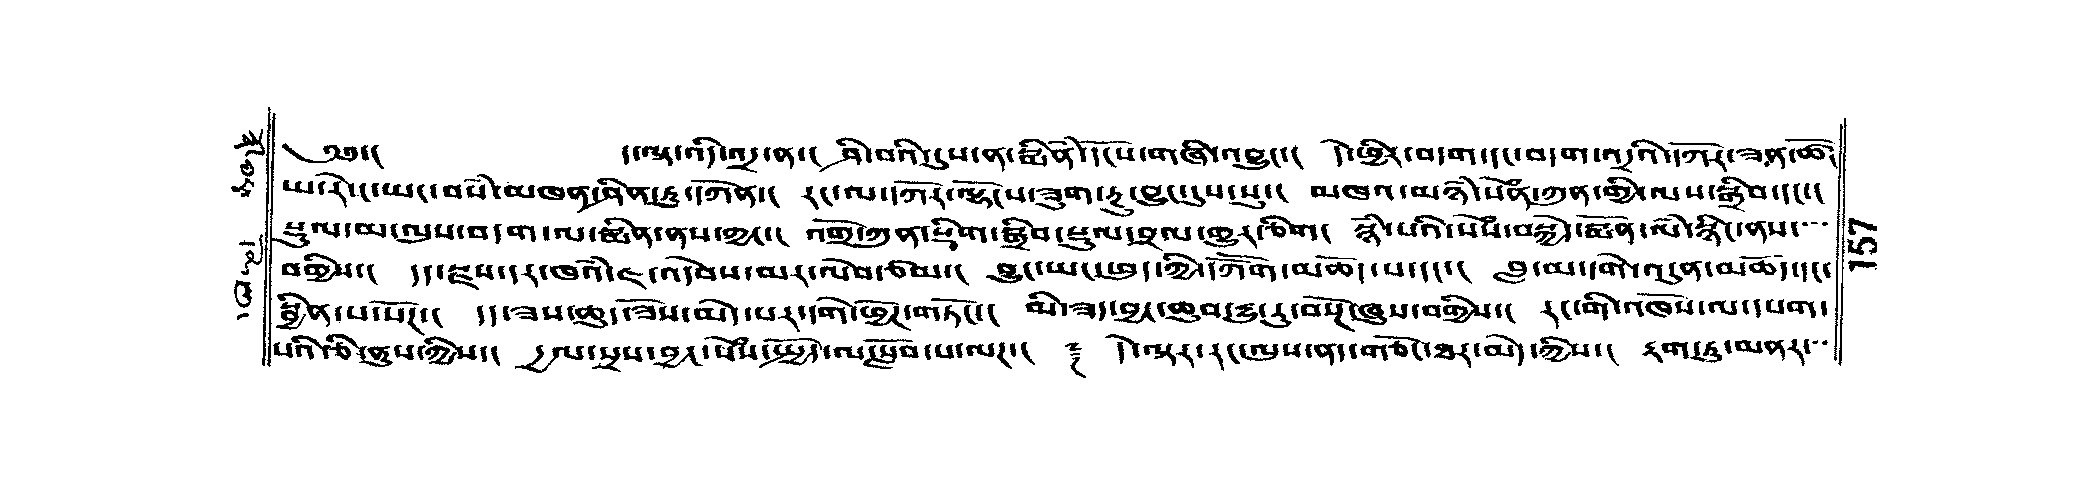ད་ལྟ་འདི་འདྲ་ན། །ཤི་བའི་དུས་རྣམ་སྨིན་དངོས་གཞི་འབྱུང་། །དེ་ཕྱིར་བདག་དང་བདག་འདྲའི་དཀོར་ཟན་ཚོ། །
ཡ་རེ་ང་ཡང་བསམ་མཁན་ཤིན་ཏུ་དཀོན། །རང་ལ་དཀོར་ལྷོངས་ཟུག་རྔུ་བྱུང་དུས་སུ། །མཁའ་མཉམ་སེམས་ཅན་ཀུན་གྱི་ལས་སྒྲིབ་དང་། །
སྡུག་བསྔལ་མ་ལུས་བདག་ལ་སྨིན་ནས་ཀྱང་། །འགྲོ་ཀུན་སྡིག་སྒྲིབ་སྡུག་བསྔལ་བྲལ་གྱུར་ཅིག །སྙམ་པའི་སེམས་བསྐྱེད་སྨོན་ལམ་སྙིང་ནས་
བགྱིས། །དད་རྫས་དར་ཁའམ་ཇ་འདེབས་མར་ལེབ་ཙམ། །བྱུང་ཡང་ཕུད་ཀྱི་དཀོན་མཆོག་མཆོད་པ་དང་། །བླ་མ་དགེ་འདུན་མཆོད་དང་
སྦྱིན་པ་སོགས། །དད་ཟས་ཆུད་ཟོས་མེད་པར་དགེ་ཕྱོགས་གཏོང་། །མི་ཟད་བྱང་ཆུབ་རྒྱུ་རུ་བསྔོ་ཞུས་བགྱིས། །རང་གི་འཁོས་ལ་དཔག་
པའི་ཅི་ནུས་ཀྱིས། །རྒྱལ་སྲས་བྱང་སེམས་སྤྱོད་ལ་སློབ་པ་ལགས། །དེ་ལྟར་རང་ལུས་ནད་གཅོང་ཐར་མེད་ཀྱིས། །རྟག་ཏུ་མནར་